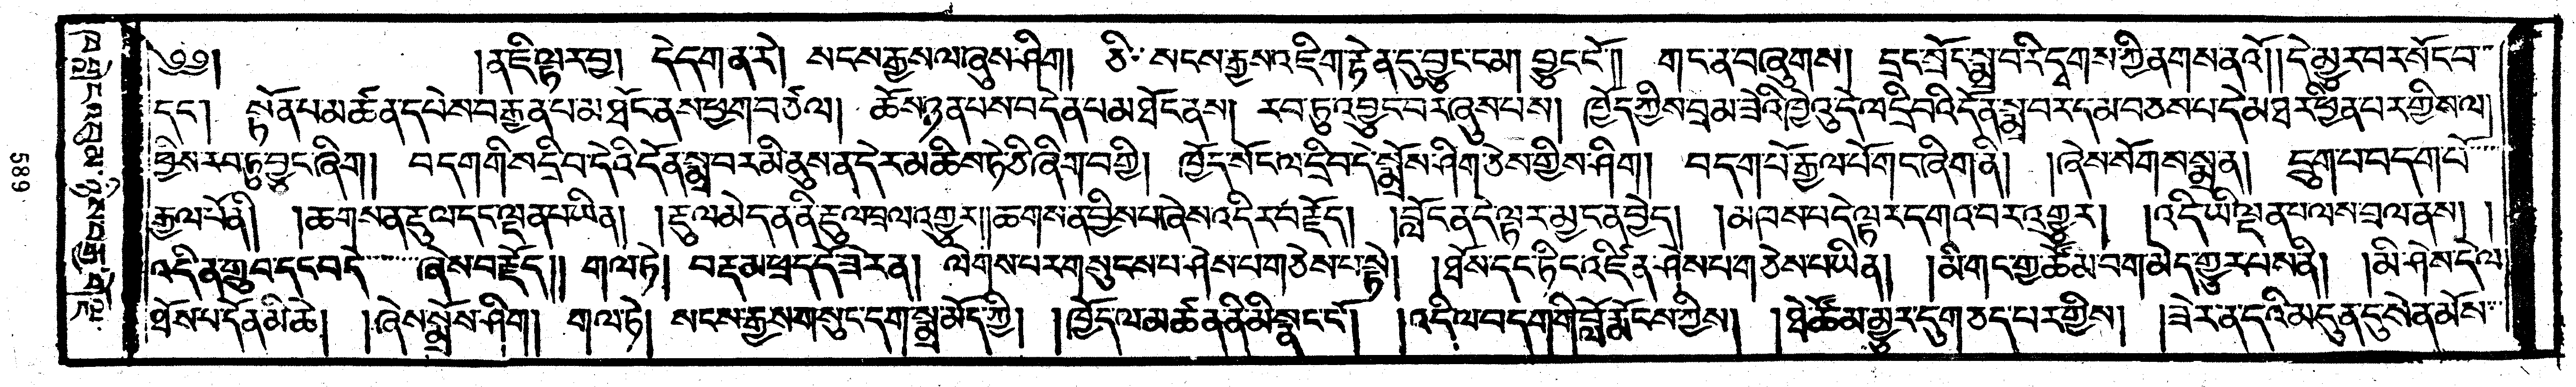༄༅། །ན་ཇི་ལྟར་བྱ། དེ་དག་ན་རེ། སངས་རྒྱས་ལ་ཞུས་ཤིག། ཅི༑ སངས་རྒྱས་འཇིག་རྟེན་དུ་བྱུང་ངམ། བྱུང་ངོ།། གང་ན་བཞུགས། དྲང་སྲོང་སྨྲ་བ་རི་དྭགས་ཀྱི་ནགས་ནའོ། །དེ་མྱུར་བར་སོང་བ་
དང་། སྟོན་པ་མཚན་དཔེས་བརྒྱན་པ་མཐོང་ནས་ཕྱག་བཙལ། ཆོས་ཉན་པས་བདེན་པ་མཐོང་ནས། རབ་ཏུ་འབྱུང་བར་ཞུས་པས། ཁྱོད་ཀྱིས་བྲམ་ཟེའི་ཁྱེའུ་དེ་ལ་དྲི་བའི་དོན་སྨྲ་བར་དམ་བཅས་པ་དེ་མཐར་ཕྱིན་པར་གྱིས་ལ།
ཕྱིས་རབ་ཏུ་བྱུང་ཞིག། བདག་གིས་དྲི་བ་དེའི་དོན་སྨྲ་བར་མི་ནུས་ན་དེར་མཆིས་ཏེ་ཅི་ཞིག་བགྱི། ཁྱོད་སོང་ལ་དྲི་བ་དེ་སྨྲོས་ཤིག་ཅེས་གྱིས་ཤིག། བདག་པོ་རྒྱལ་པོ་གང་ཞིག་ནི། །ཞེས་སོགས་སྨྲ་ན། དྲུག་པ་བདག་པོ་
རྒྱལ་པོ་ནི། །ཆགས་ན་རྡུལ་དང་ལྡན་པ་ཡིན། །རྡུལ་མེད་ན་ནི་རྡུལ་བྲལ་འགྱུར།། ཆགས་ན་བྱིས་པ་ཞེས་འདིར་བརྗོད། །བློང་ན་དེ་ལྟར་མྱ་ངན་བྱེད། །མཁས་པ་དེ་ལྟར་དགའ་བར་འགྱུར། །འདི་ཡི་ལྡན་པ་ལས་བྲལ་ནས། །
འདི་ན་གྲུབ་དང་བདེ་ཞེས་བརྗོད།། གལ་ཏེ། བརྡ་མ་ཕྲད་དོ་ཟེར་ན། ལེགས་པར་གསུངས་པ་ཤེས་པ་གཅེས་པ་སྟེ། །ཐོས་དང་ཏིང་འཛིན་ཤེས་པ་གཅེས་པ་ཡིན། །མི་གང་གྱ་ཚོམ་པག་མེད་གྱུར་པས་ནི། མི་ཤེས་དེལ་
ཐོས་པ་དོན་མི་ཆེ། །ཞེས་སྨྲོས་ཤིག། གལ་ཏེ། སངས་རྒྱས་གསུང་དག་སྨྲ་མོད་ཀྱི། །ཁྱོད་ལ་མཚན་ནི་མི་སྣང་ངོ། །འདི་ལ་བདག་གི་བློ་རྨོངས་ཀྱིས། །ཐེ་ཚོམ་མྱུར་དུག་ཅད་པར་གྱིས། །ཟེར་ན་དའི་མདུན་དུ་སེན་མོས་